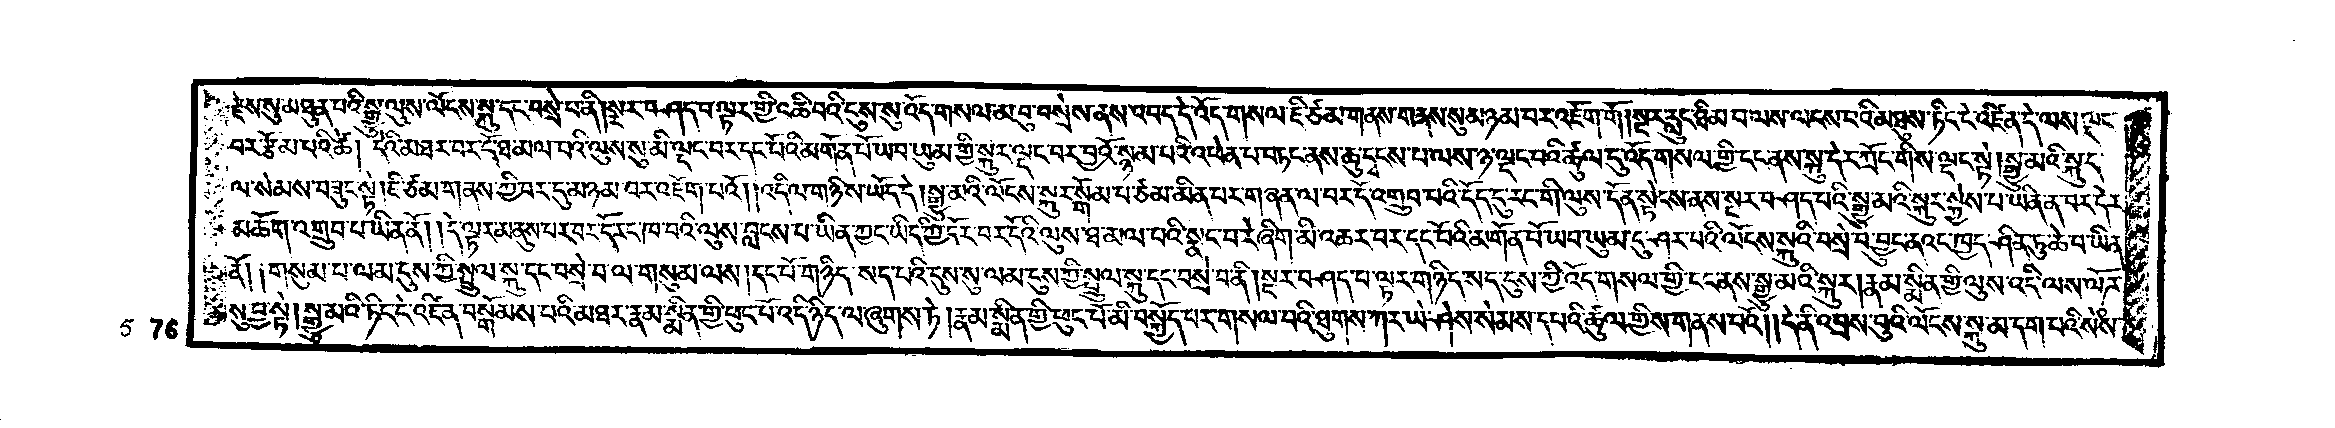རྗེས་སུ་མཐུན་པའི་སྒྱུ་ལུས་ལོངས་སྐུ་དང་བསྲེ་བ་ནི། སྔར་བཤད་པ་ལྟར་གྱི་འཆི་བའི་དུས་སུ་འོད་གསལ་མ་བུ་བསྲེས་ནས་འབད་དེ་འོད་གསལ་ཇི་ཙམ་གནས་གནས་སུ་མཉམ་པར་འཇོག་གོ །སྔར་རླུང་ཐིམ་པ་ལས་ལངས་པའི་མཐུས་ཏིང་ངེ་འཛིན་དེ་ལས་ལྡང་
བར་རྩོམ་པའི་ཚེ། དེའི་མཐར་བར་དོ་ཐ་མལ་པའི་ལུས་སུ་མི་ལྡང་བར་དང་པོའི་མགོན་པོ་ཡབ་ཡུམ་གྱི་སྐུར་ལྡང་བར་བྱའོ་སྙམ་པའི་འཕེན་པ་བཏང་ནས་ཆུ་དྭངས་པ་ལས་ཉ་ལྡང་བའི་ཚུལ་དུ་འོད་གསལ་གྱི་ངང་ནས་སྐུ་དེར་ཀྲོང་གིས་ལྡང་སྟེ། སྒྱུ་མའི་སྐུ་དེ་
ལ་སེམས་བཟུང་སྟེ། ཇི་ཙམ་གནས་ཀྱི་བར་དུ་མཉམ་པར་འཇོག་པའོ། །འདི་ལ་གཉིས་ཡོད་དེ། སྒྱུ་མའི་ལོངས་སྐུར་སྒོམ་པ་ཙམ་མིན་པར་གཞན་ལ་བར་དོ་འགྲུབ་པའི་དོད་དུ་རང་གི་ལུས་དོན་སྟེངས་ནས་སྔར་བཤད་པའི་སྒྱུ་མའི་སྐུར་སྐྱེས་པ་ཡིན་ན་བར་དོར་
མཆོག་འགྲུབ་པ་ཡིན་ནོ། །དེ་ལྟར་མ་ནུས་པར་བར་དོ་རང་ཁ་བའི་ལུས་བླངས་པ་ཡིན་ཀྱང་ཡིད་ཀྱི་ངོར་བར་དོའི་ལུས་ཐ་མལ་པའི་སྣང་བ་རེ་ཞིག་མི་འཆར་བར་དང་པོའི་མགོན་པོ་ཡབ་ཡུམ་དུ་ཤར་བའི་ལོངས་སྐུའི་བསྲེ་བ་བྱུང་ནའང་ཁྱད་ཤིན་ཏུ་ཆེ་བ་ཡིན་
ནོ༑ ༑གསུམ་པ་ལམ་དུས་ཀྱི་སྤྲུལ་སྐུ་དང་བསྲེ་བ་ལ་གསུམ་ལས། དང་པོ་གཉིད་སད་པའི་དུས་སུ་ལམ་དུས་ཀྱི་སྤྲུལ་སྐུ་དང་བསྲེ་བ་ནི། སྔར་བཤད་པ་ལྟར་གཉིད་སད་དུས་ཀྱི་འོད་གསལ་གྱི་ངང་ནས་སྒྱུ་མའི་སྐུར། རྣམ་སྨིན་གྱི་ལུས་འདི་ལས་ལོགས་
སུ་བྱ་སྟེ། སྒྱུ་མའི་ཏིང་ངེ་འཛིན་བསྒོམས་པའི་མཐར་རྣམ་སྨིན་གྱི་ཕུང་པོ་འདི་ཉིད་ལ་ཞུགས་ཏེ། རྣམ་སྨིན་གྱི་ཕུང་པོ་མི་བསྐྱོད་པར་གསལ་བའི་ཐུགས་ཀར་ཡེ་ཤེས་སེམས་དཔའི་ཚུལ་གྱིས་གནས་པའོ། །དེ་ནི་འབྲས་བུའི་ལོངས་སྐུ་མ་དག་པའི་སེམས་